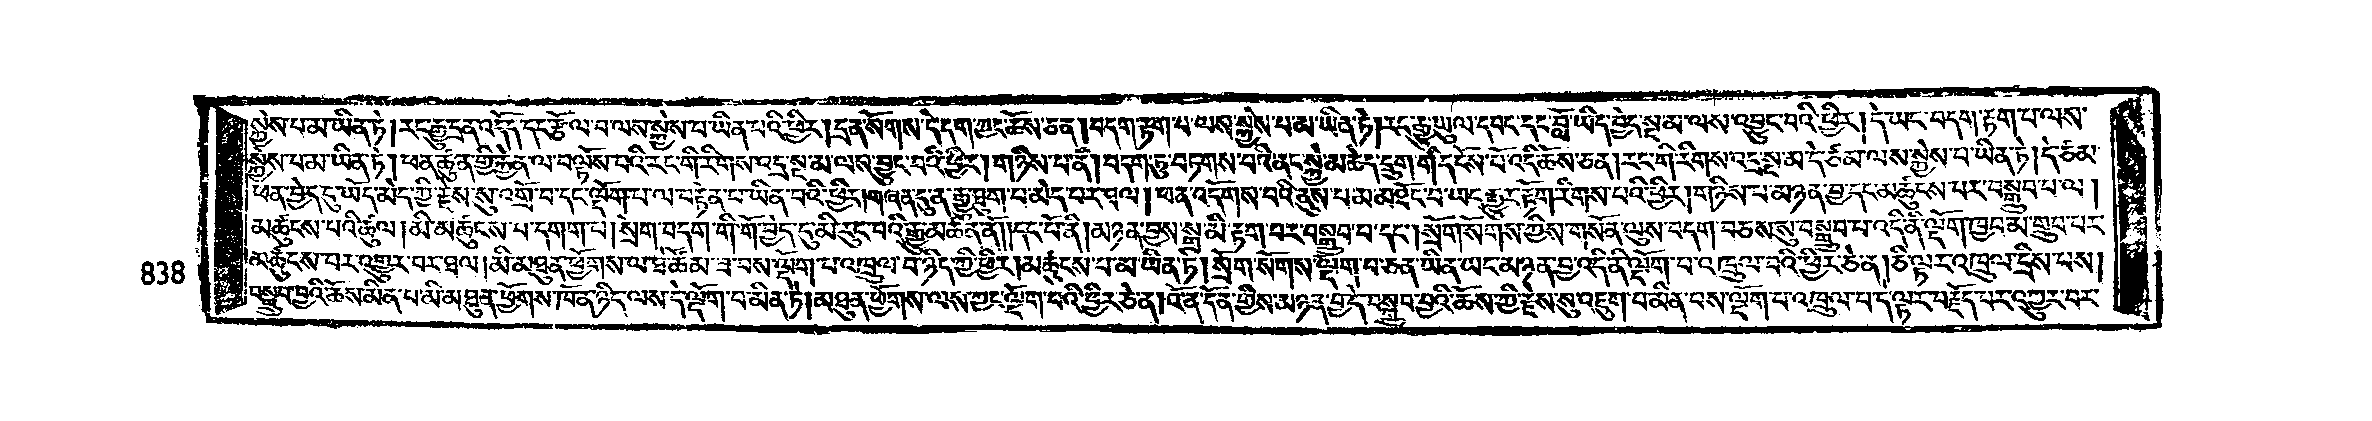སྐྱེས་པ་མ་ཡིན་ཏེ། རང་རྒྱུ་དྲན་འདོད་དང་རྩོལ་བ་ལས་སྐྱེས་པ་ཡིན་པའི་ཕྱིར། དྲན་སོགས་དེ་དག་ཀྱང་ཆོས་ཅན། བདག་རྟག་པ་ལས་སྐྱེས་པ་མ་ཡིན་ཏེ། རང་རྒྱུ་ཡུལ་དབང་དང་བློ་ཡིད་བྱེད་སྔ་མ་ལས་འབྱུང་བའི་ཕྱིར། དེ་ཡང་བདག་རྟག་པ་ལས་
སྐྱེས་པ་མ་ཡིན་ཏེ། ཕན་ཚུན་གྱི་རྐྱེན་ལ་བལྟོས་པའི་རང་གི་རིགས་འདྲ་སྔ་མ་ལས་བྱུང་བའི་ཕྱིར། གཉིས་པ་ནི། བདག་ཏུ་བཏགས་པའི་ནང་སྐྱེ་མཆེད་དྲུག་གི་དངོས་པོ་འདི་ཆོས་ཅན། རང་གི་རིགས་འདྲ་སྔ་མ་དེ་ཙམ་ལས་སྐྱེས་པ་ཡིན་ཏེ། དེ་ཙམ་
ཕན་བྱེད་དུ་ཡོད་མེད་ཀྱི་རྗེས་སུ་འགྲོ་བ་དང་ལྡོག་པ་ལ་བརྟེན་པ་ཡིན་པའི་ཕྱིར། གཞན་དུ་ན་རྒྱུ་ཐུག་པ་མེད་པར་ཐལ། ཕན་འདོགས་པའི་ནུས་པ་མ་མཐོང་བ་ཡང་རྒྱུར་རྟོག་རིགས་པའི་ཕྱིར། གཉིས་པ་མཉན་བྱ་དང་མཚུངས་པར་བསྒྲུབ་པ་ལ།
མཚུངས་པའི་ཚུལ། མི་མཚུངས་པ་དགག་པ། སྲོག་བདག་གི་གོ་བྱེད་དུ་མི་རུང་བའི་རྒྱུ་མཚན་ནོ། །དང་པོ་ནི། མཉན་བྱས་སྒྲ་མི་རྟག་པར་བསྒྲུབ་པ་དང་། སྲོག་སོགས་ཀྱིས་གསོན་ལུས་བདག་བཅས་སུ་བསྒྲུབ་པ་འདི་ནི་ལྡོག་ཁྱབ་མ་གྲུབ་པར་
མཚུངས་པར་འགྱུར་པར་ཐལ། མི་མཐུན་ཕྱོགས་ལ་ཐེ་ཚོམ་ཟ་བས་ལྡོག་པ་འཁྲུལ་བ་ཉིད་ཀྱི་ཕྱིར། མཚུངས་པ་མ་ཡིན་ཏེ། སྲོག་སོགས་ལྡོག་པ་ཅན་ཡིན་ཡང་མཉན་བྱ་འདི་ནི་ལྡོག་པ་འཁྲུལ་བའི་ཕྱིར་ཅེ་ན། ཅི་ལྟར་འཁྲུལ་དྲིས་པས།
བསྒྲུབ་བྱའི་ཆོས་མིན་པ་མི་མཐུན་ཕྱོགས་ཁོ་ན་ཉིད་ལས་དེ་ལྡོག་པ་མིན་ཏེ། མཐུན་ཕྱོགས་ལས་ཀྱང་ལྡོག་པའི་ཕྱིར་ཅེ་ན། འོ་ན་དོན་གྱིས་མཉན་བྱ་དེ་བསྒྲུབ་བྱའི་ཆོས་ཀྱི་རྗེས་སུ་འཇུག་པ་མིན་པས་ལྡོག་པ་འཁྲུལ་བ་དེ་ལྟར་བརྗོད་པར་འགྱུར་བར་